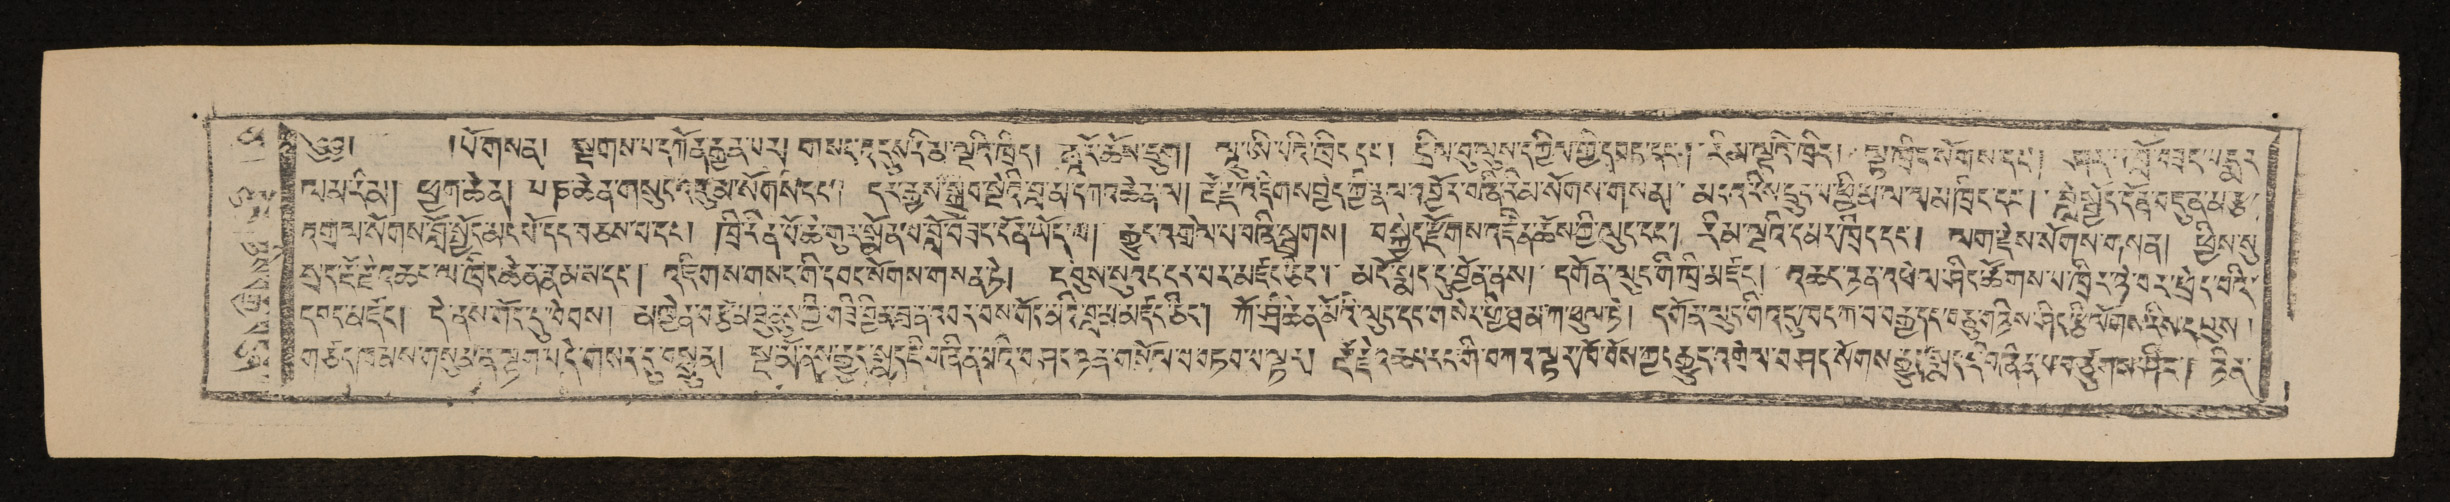༄༅། །པོ་གསན། སྔགས་པ་དཀོན་རྒྱན་པར། གསང་འདུས་རིམ་ལྔའི་ཁྲིད། ནཱ་རོ་ཆོས་དྲུག། ལཱུ་ཨི་པའི་ཁྲིད་དང་། དྲིལ་བུ་ལུས་དཀྱིལ་གྱི་དབང་དང་། རིམ་ལྔའི་ཁྲིད། ལྟ་ཁྲིད་སོགས་དང་། ཤར་པ་བློ་བཟང་པདམར་
ལམ་རིམ། ཕྱག་ཆེན། པཎ་ཆེན་གསུང་འབུམ་སོགས་དང་། དར་རྒྱས་སྒྲུབ་སྡེའི་བླ་མ་དཀའ་ཆེན་ལ། རྡོ་རྗེ་འཇིགས་བྱེད་ཀྱི་རྣལ་འབྱོར་བཞི་རིམ་སོགས་གསན། མངའ་རིས་དྲུང་པ་ཕྱི་མ་ལ་ལ་མ་ཁྲིད་དང་། བློ་སྦྱོང་དོན་བདུན་མ་རྩ་
འགྲེལ་སོགས་བློ་སྦྱོང་མང་པོ་དང་བཅས་པ་དང་། ཁྲི་རིན་པོ་ཆེ་གུར་སྨོན་པ་བློ་བཟང་དོན་ཡོད་ལ། རྒྱུད་འགྲེལ་བ་བཞི་སྦྲགས། བསྐྱེད་རྫོགས་འཛིན་ཆོས་ཀྱི་ལུང་དང་། རིམ་ལྔའི་དམར་ཁྲིད་དང་། ལག་རྗེས་སོགས་གསན། ཕྱིས་སུ་
སྲད་རྡོ་རྗེ་འཆང་ལ་ཁྲིད་ཆེན་རྣམས་དང་། འཇིགས་གསང་གི་དབང་སོགས་གསན་ཏེ། དབུས་སུའང་ངར་བར་མཛད་ཅིང་། མདོ་སྨད་དུ་བྱོན་ནས། དགོན་ལུང་གི་ཁྲི་མཛད། འཆད་ཉན་འཕེལ་ཤིང་ཚོགས་པ་ཁྲིར་ཉེ་བར་ཕྲེང་བའི་
དབང་མཛད། དེ་ནས་གོང་དུ་ཕེབས། མཁྱེན་བརྩེ་མཐུ་ནུས་ཀྱི་གཟི་བྱིན་བླ་ན་འབར་བས་གོང་མའི་བླ་མ་མཛད་ཅིང་། ཀོ་ཤྲི་ཆེན་མོའི་ལུང་དང་གསེར་གྱི་ཐམ་ཀ་ཕུལ་ཏེ། དགོན་ལུང་གི་འདུ་ཁང་ཀ་བ་བརྒྱ་དང་བཅུ་གཉིས་ཤིང་རྩི་ལོགས་རིས་དབུས་
གཙང་ཁམས་གསུམ་ན་ལྷག་པ་དེ་གསར་དུ་བསྐྲུན། སྔ་མོ་ནས་རྒྱུད་སྨད་ཇི་བཞིན་བའི་བཤད་ཉན་གསོལ་བ་བཏབ་བ་ལྟར། རྡོ་རྗེ་འཆང་རང་གི་བཀའ་ལྟར་ཁོ་བོས་ཀྱང་རྒྱུད་འགྲེལ་བཤད་སོགས་རྒྱུད་སྨད་ཇི་བཞིན་པ་བཙུགས་ཤིང་། ཉིན་